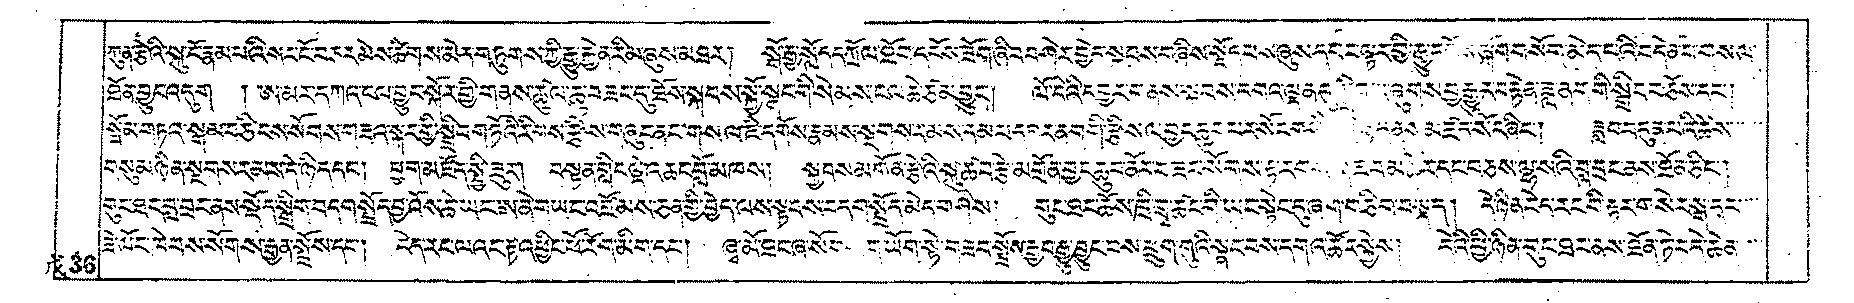ཀུན་རྩེའི་སྐུ་ངོ་རྣམ་པའི་སར་ངོ་བཅར་མེས་ཚིགས་མེར་གཏུགས་ཀྱི་རྒྱུ་རྐྱེན་རིམ་ཞུས་མཐར། སྒོ་རྒྱ་སློད་དཀྲོལ་ཐོག་དངོས་ཟོག་ཞིབ་བཤེར་བྱེད་སྐབས་གཞིས་སྡོད་པས་ཞུས་དབང་ལྟར་གྱི་རྒྱུ་དངོས་ལྐོག་གསོག་མེད་པའི་བདེན་པ་གསལ་
ཐོན་བྱུང་འདུག །ཨ་མར་དཀའ་ངལ་བྱུང་སྐོར་གྱི་གནས་ཚུལ་ཆུ་བཟང་དུ་ཐོས་སྐབས་སྐྱོ་སྣང་གི་སེམས་ངལ་ཆེ་ཙམ་བྱུང་། ལོ་དེའི་དབྱར་གནས་སྐབས་དགའ་ལྡན་དུ་སྒྲིགས་ཞུགས་བྱ་རྒྱུར་བརྟེན་ཟླ་ནག་གི་སྒྲིབ་བཅོས་དང་།
སྤོམ་གཏའ་སྒམ་བཅིངས་སོགས་གཟའ་སྐར་གྱི་སྒྲིབ་གཏོའི་རིགས་རྩིས་གཞུང་ནང་གསལ་ཇི་དགོས་རྣམས་སྔགས་རམས་དམ་པ་དཀར་ནག་གི་རྩིས་ལ་བྱང་ཆུབ་པར་སོང་གཤིས་དེ་ཉིད་ནས་མཛད་སོང་ཞིང་། ཟླ་བ་བདུན་པའི་ཚེས་
གསུམ་ཉིན་སྔགས་རམས་དེ་ཉིད་དང་། ཕྱག་མཛོད་སྤྱི་ཟུར། བསྟན་གླིང་ལྡེ་འཆང་བློ་མཁས། སྐྱབས་མགོན་རྩེའི་སྐུ་ཚབ་རྩེ་མགྲོན་བྱང་ཆུབ་ནོར་བཟང་བཟང་སོགས་རྟ་རགས་གཟབ་མཆོར་དང་བཅས་ལྷ་སའི་བླ་བྲང་ནས་ཐོན་ཅིང་།
གུང་ཐང་བླ་བྲང་ནས་སྡོད་སྒྲིག་བདག་སྤྲོད་བྱ་འོས་ཆེ་ཡང་ཨ་ནེ་གཡང་འཛོས་ཅན་གྱི་བྱེད་ལས་སྟབས་བདག་སྤྲོད་མེད་གཤིས། གུང་ཐང་ཆོས་ཁྲི་གྲྭ་ཚང་གི་ཡང་སྟེང་དུ་ཞག་གཅིག་བསྡད། དེ་ཉིན་ངེད་རང་གི་རྟར་གསེར་སྒ་དང་
ཟེ་ལོང་ཁེབས་སོགས་རྒྱན་སྤྲོས་དང་། ངེད་རང་ལའང་རྟ་འཕྱིང་ཕོ་རོག་མིག་དང་། ཞྭ་མོ་ཐང་ཞ་སོགས་གཡོག་སྟེ་གཟབ་སྤྲོས་རྒྱབ་རྒྱུ་བྱུང་བས་ཕྲུག་གུའི་སྣང་བས་དགའ་ཚོར་སྐྱེས། དེའི་ཕྱི་ཉིན་གུང་ཐང་ནས་ཐོན་ཏེ་བདེ་ཆེན་